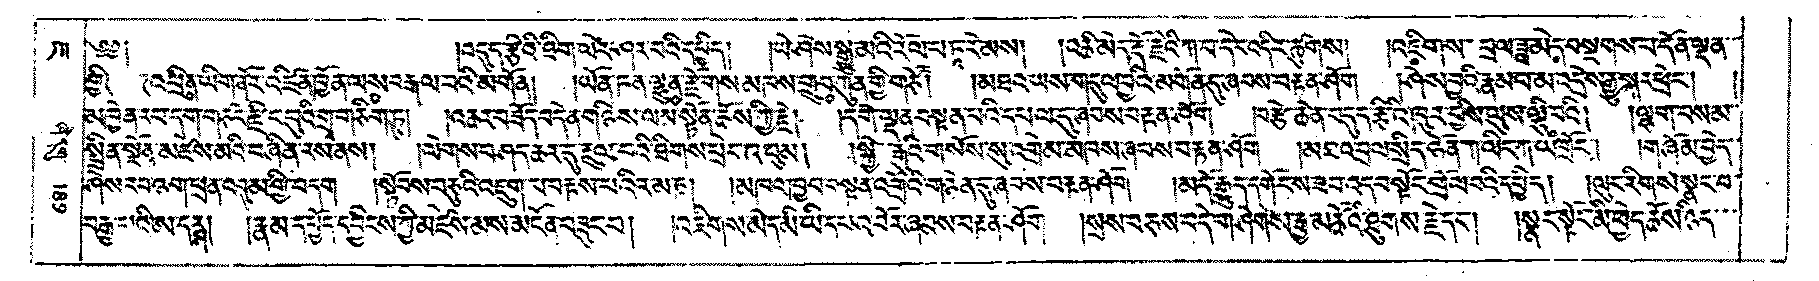༄༅། །བདུད་རྩིའི་ཐིག་ལེར་ཤར་བའི་དཔྱིད། །ཡེ་ཤེས་སྒྱུ་མའི་རོལ་པ་ཏཱ་རེ་མས། །འཆི་མེད་རྡོ་རྗེའི་ཀ་བ་དེང་འདིར་ཚུགས། །འཇིགས་བྲལ་ཟླ་མེད྾་བསྔགས་པ་དོན་ལྡན་
གྱི། །འཕྲིན྾་ཡིག་ནོར་འཛིན་ཁྱོན་ལས྾་བརྒལ་བའི་མགོན། །ཡོན་ཏན་ལྷུན྾་རྫོགས་མཁས་གྲུབ྾་ཀུན་གྱི་གཙོ། །མཐའ་ཡས་གདུལ་བྱའི་མགོན་དུ་ཞབས་བརྟན་ཤོག །ཤེས་བྱའི་རྣམ་པ་མ་འདྲེས་རྒྱུ་སྐར་ཕྲེང་། །
མཁྱེན་རབ་དག་གཙང་རྫིང་བུའི་གྲྭ་གཅིག་ཏུ། །འཆར་བཟོད་བདེན་གཉིས་ལམ་སྟོན་ཆོས་ཀྱི་རྗེ། །དགེ་ལྡན་བསྟན་པའི་དཔལ་དུ་ཞབས་བརྟན་ཤོག །བརྩེ་ཆེན་བདུད་རྩིའི་ཁུར་གྱིས་ལུས་ལྕི་བའི། །ལྷག་བསམ་
སྤྲིན་སྔོན་མཛེས་མའི་བཞིན་རས་ནས། །ལེགས་བཤད་ཆར་དུ་རྔུལ་བའི་ཐིགས་ཕྲེང་འབུམ། །སྐྱེ་རྒུའི་གསོས་སུ་འགྲེམ་མཁས་ཞབས་བརྟན་ཤོག །མཐའ་བྲལ་སྲིད་ཉོན་ཀ་ལིང་ཀ་ཡི་གྲོང་། །གཞོམ་བྱེད་
ཤེས་རབ་ཉག་ཕྲན་འབུམ་གྱི་བདག །སྟོབས་བཅུའི་འཇུག་པ་བརྟས་པའི་རམ་ཎ། མཁའ་ཁྱབ་བསྟན་འགྲོའི་གཉེན་དུ་ཞབས་བརྟན་ཤོག །མདོ་རྒྱུད་དགོངས་ཟབ་འདབ་སྟོང་གྲོལ་བའི་དཔྱིད། །ལུང་རིགས་སྣང་བ་
བརྒྱ་པའི་ཨ་དརྴ། །རྣམ་དཔྱོད་དབྱིངས་ཀྱི་མཛེས་མས་མངོན་བཟུང་བ། །འཇིགས་མེད་མི་ཡི་དཔའ་བོར་ཞབས་བརྟན་ཤོག །སྲས་བཅས་བདེ་གཤེགས་རྒྱ་མཚོའི་ཐུགས་རྗེ་དང་། །སྣང་སྟོང་མི་ཕྱེད་ཆོས་ཉིད་